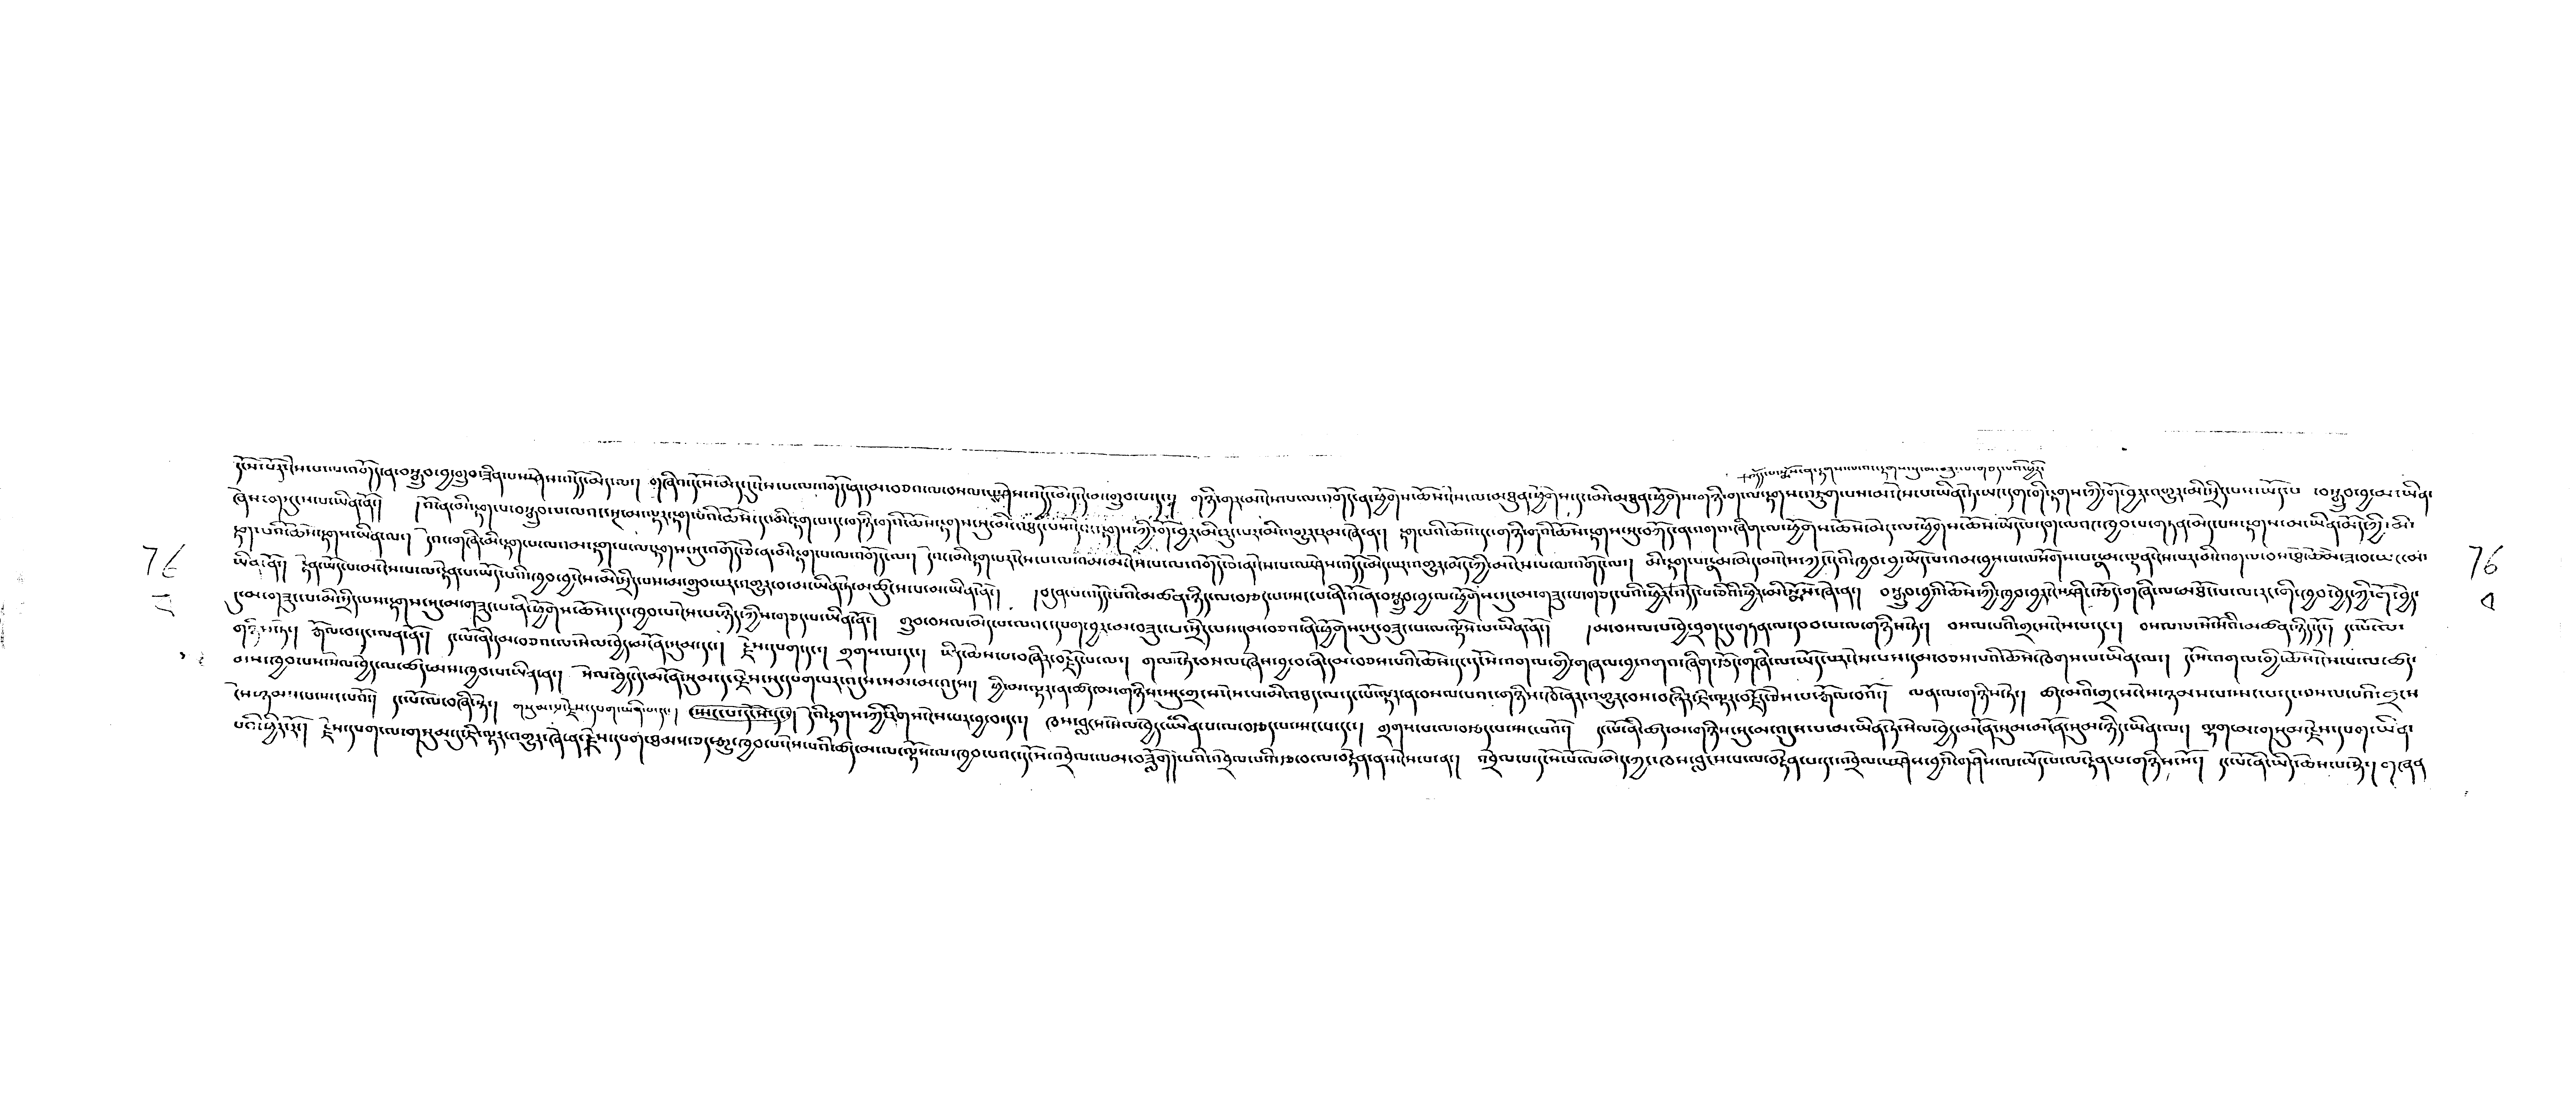དངོས་པོར་ངེས་པ་ལ་འགོད་ན་བསྒྲུབ་བྱ་གྲུབ་ཟིན་པས་ཤེས་འདོད་མེད་ལ། གཞིའ་དངོས་མེད་དུ་ངེས་པ་ལ་འགོད་ན་དམ་བཅའ་ལ་བསལ་པས་ཤེས་འདོད་མེད་དེ་མ་གྲུབ་པ་དང་། གཉི་གར་མ་ངེས་པ་ལ་འགོད་ན་ཕྱོགས་ཆོས་ངེས་ལ་མཐུན་ཕྱོགས་དང་མི་མཐུན་ཕྱོགས་གཉི་ག་ལ་རྟགས་འཇུག་པས་མ་ངེས་པ་ཡིན་ཏེ་ཡང་དག་གི་རྟགས་ཀྱི་གོ་བྱར་འགྱུར་མི་སྲིད་པས་ཡོད་པ་བསྒྲུབ་བྱ་མ་ཡིན་
ཞེས་གསུངས་པ་ཡིན་ནོ། །འོ་ན་མི་རྟག་པ་བསྒྲུབ་པ་ལའང་སྔ་མ་ལྟར་རྟག་པའི་ཆོས་དང་མི་རྟག་པ་དང་གཉི་གའི་མོས་རྟགས་སུ་མི་འཐད་པས་དེའང་རྟགས་ཀྱི་གོ་བྱར་མི་རུང་པར་མི་འགྱུར་རམ་ཞེ་ན། རྟག་པའི་ཆོས་དང་གཉི་གའི་ཆོས་རྟགས་སུ་བཀོད་ན་འགའ་ཞིག་ལ་ཕྱོགས་ཆོས་མེད་ལ་ཕྱོགས་ཆོས་ཡོད་པ་དག་ལའང་ཁྱབ་པ་གཏན་མེད་པས་རྟགས་མ་ཡིན་མོད་ཀྱི་མི་
རྟག་པའི་ཆོས་རྟགས་ཡིན་ལ། དེའང་གཞི་མི་རྟག་པ་ལའམ་རྟག་པ་ལ་རྟགས་སུ་འགོད་ཅེ་ན་མི་རྟག་པ་ལ་འགོད་ལ། དེའང་མི་རྟག་པར་ངེས་པ་ལ་འམ་མ་ངེས་པ་ལ་འགོད་ཅེ་ན་ངེས་པ་ལ་ཤེས་འདོད་མེད་པར་འགྱུར་མོད་ཀྱི་མ་ངེས་པ་ལ་འགོད་ལ། མི་རྟག་པ་རྣམ་མེད་མ་ངེས་ཀྱང་དེའི་ཁྱབ་བྱ་ཡོད་པ་འམ་བྱས་པ་ལ་སོགས་པ་རྣམ་ལྡན་ངེས་པར་མི་འགལ་བས་ཐེ་ཚོམ་ཟ་བ་ཡང་མ་
ཡིན་ནོ། རྟེན་ཡོད་པ་མ་ངེས་པ་ལ་རྟེན་པ་ཡོད་པའི་ཁྱབ་བྱ་ངེས་མི་སྲིད་པས་མ་གྲུབ་པར་འགྱུར་བ་མ་ཡིན་ཏེ་མཚུངས་པ་མ་ཡིན་ནོ། །བདུན་པ་འདོད་པའི་མཚན་ཉིད་ལ་བརྩད་པ་སྤང་པ་ནི་འོ་ན་བསྒྲུབ་བྱ་ལ་ཕྱོགས་སུ་མ་གཟུང་པ་གཅད་པའི་ཕྱིར་འདོད་པ་ཅིའི་ཕྱིར་མི་སྨོས་ཞེ་ན། བསྒྲུབ་བྱའི་ཆོས་ཀྱི་ཁྱབ་བྱར་ངེས་ཤིང་རྩོད་གཞི་ལ་མཐོང་པ་ལ་རང་གི་ཁྱབ་བྱེད་ཀྱི་གོ་བྱེད་
དུ་མ་གཟུང་པ་མི་སྲིད་པས་རྟགས་སུ་མ་གཟུང་པ་ནི་ཕྱོགས་ཆོས་དང་ཁྱབ་པ་ངེས་པ་ཉིད་ཀྱིས་གཅད་པ་ཡིན་ནོ། གྲུབ་བསལ་མེད་པ་ལའང་དཔག་བྱར་མ་བཟུང་པ་སྲིད་པས་དམ་བཅའ་ནི་ཕྱོགས་སུ་བཟུང་པ་ལ་ལྟོས་པ་ཡིན་ནོ། །མ་བསལ་པ་བྱེ་བྲག་དུ་གཏན་ལ་དབབ་པ་ལ་གཉིས་ཏེ། བསལ་པའི་གྲངས་ངེས་པ་དང་། བསལ་པ་སོ་སོའི་མཚན་ཉིད་དོ། དང་པོ་ལ་
གཉིས་ཏེ། རྒོལ་བ་དང་ལན་ནོ། དང་པོ་ནི་དམ་བཅའ་ལ་སེལ་བྱེད་མངོན་སུམ་དང་། རྗེས་དཔག་དང་། གྲགས་པ་དང་། ཡིད་ཆེས་པ་བཞིར་བརྗོད་པ་ལ། གལ་ཏེ་བསལ་ཞེས་བྱ་བ་ནི་དམ་བཅས་པའི་ཆོས་དང་དངོས་འགལ་གྱི་གཞལ་བྱ་འགའ་ཞིག་རྩོད་གཞི་ལ་ཡོད་པར་ངེས་པས་དམ་བཅས་པའི་ཆོས་ཁེགས་པ་ཡིན་ལ། དངོས་འགལ་གྱི་ཆོས་ངེས་པ་ལ་ཚད་
མས་ཁྱབ་པས་སེལ་བྱེད་ལ་ཚད་མས་ཁྱབ་པ་ཡིན་ན། སེལ་བྱེད་དེ་མངོན་སུམ་དང་རྗེས་སུ་དཔག་པར་འདུས་སམ་མ་འདུས། ཕྱི་མ་ལྟར་ན་ཚད་མ་གཉིས་སྤུ་གྲངས་ངེས་པ་མི་འཐད་ལ་དང་པོ་ལྟར་ན་བསལ་པའང་གཉིས་ཁོ་ནར་འགྱུར་བས་བཞིར་ཇི་ལྟར་བརྗོད་ཅེས་པ་རྒོལ་བའོ། ལན་ལ་གཉིས་ཏེ། ཚད་མའི་གྲངས་ངེས་ཉམས་པ་སྤང་པ་དང་བསལ་པའི་གྲངས་
ངེས་ཉམས་པ་སྤང་པའོ། དང་པོ་ལ་བཞི་སྟེ། གསུམ་པ་རྗེས་དཔག་ཡིན་པ་དང་།  དེའི་རྟགས་ཀྱི་རིགས་ངེས་པར་བྱ་བ་དང་། ཁས་བླངས་སེལ་བྱེད་ཡིན་པ་ལ་བརྩད་པ་སྤང་པ་དང་། གྲངས་པ་ལ་བརྩད་པ་སྤང་པའོ། དང་པོ་ནི་ཚད་མ་གཉིས་སུ་མ་འདུས་པ་མ་ཡིན་ཏེ་སེལ་བྱེད་མངོན་སུམ་མངོན་སུམ་ཉིད་ཡིན་ལ། ལྷག་མ་གསུམ་རྗེས་དཔག་ཡིན་
པའི་ཕྱིར་རོ། རྗེས་དཔག་ལ་གསུམ་དུ་ཇི་ལྟར་འགྱུར་ཞེ་ན་རྗེས་དཔག་ཐམས་ཅད་རྒྱུ་ཁྱབ་པ་ངེས་པའི་ཚད་མ་ལ་ལྟོས་ལ་ཁྱབ་པའང་དངོས་འབྲེལ་ལམ་བཟློག་པའི་འབྲེལ་པའི་རྩ་བ་ལ་བརྟེན་ནས་ངེས་པ་ན། འབྲེལ་པ་དངོས་པོ་ལ་མེད་ཀྱང་ཁས་བླངས་པ་ལ་བརྟེན་པ་དང་འབྲེལ་པ་ཤེས་བྱའི་གཤིས་ལ་ཡོད་པ་ལ་རྟེན་པ་གཉིས་སོ། དང་པོ་ནི་ཡིད་ཆེས་པ་སྟེ། གཞན་